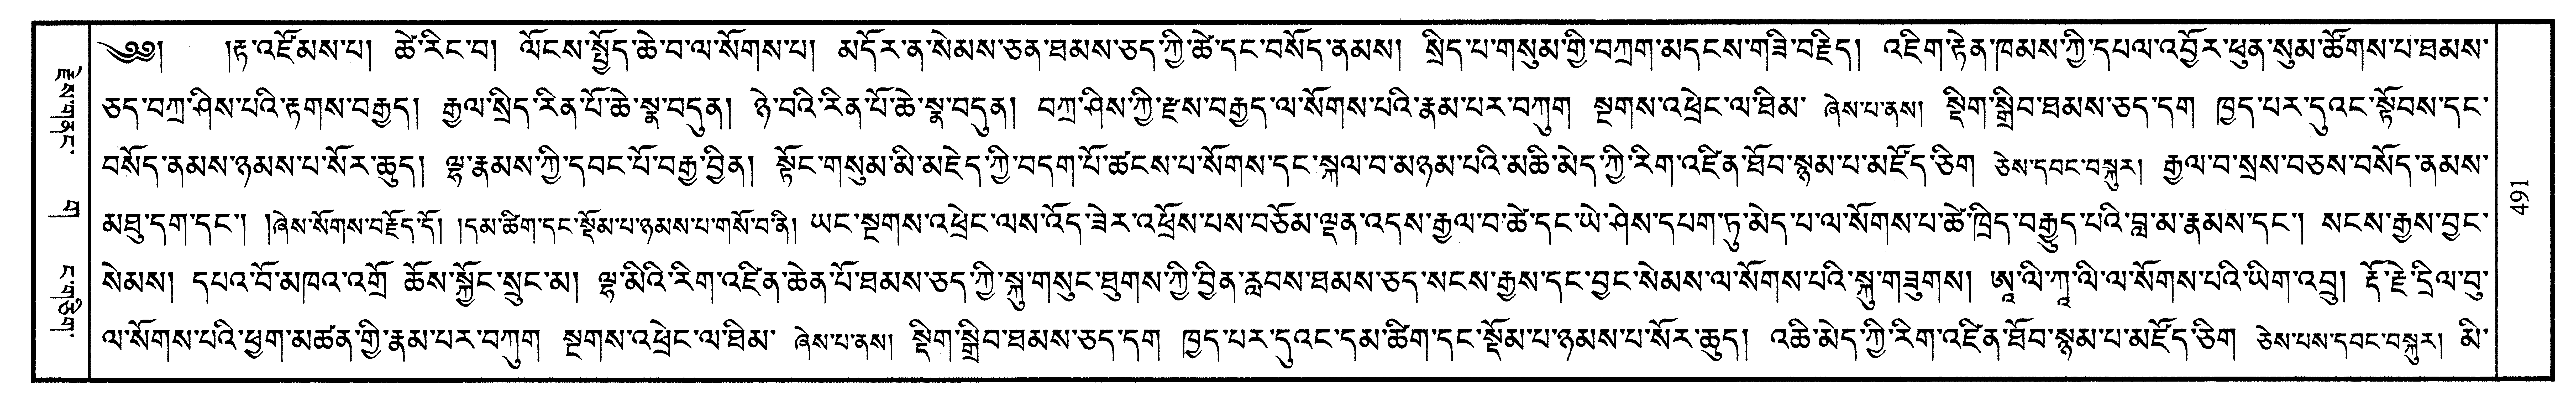༄༅། །རྟ་འཛོམས་པ། ཚེ་རིང་བ། ལོངས་སྤྱོད་ཆེ་བ་ལ་སོགས་པ། མདོར་ན་སེམས་ཅན་ཐམས་ཅད་ཀྱི་ཚེ་དང་བསོད་ནམས། སྲིད་པ་གསུམ་གྱི་བཀྲག་མདངས་གཟི་བརྗིད། འཇིག་རྟེན་ཁམས་ཀྱི་དཔལ་འབྱོར་ཕུན་སུམ་ཚོགས་པ་ཐམས་
ཅད་བཀྲ་ཤིས་པའི་རྟགས་བརྒྱད། རྒྱལ་སྲིད་རིན་པོ་ཆེ་སྣ་བདུན། ཉེ་བའི་རིན་པོ་ཆེ་སྣ་བདུན། བཀྲ་ཤིས་ཀྱི་རྫས་བརྒྱད་ལ་སོགས་པའི་རྣམ་པར་བཀུག །སྔགས་འཕྲེང་ལ་ཐིམ་ཞེས་པ་ནས། སྡིག་སྒྲིབ་ཐམས་ཅད་དག་ཁྱད་པར་དུའང་སྟོབས་དང་
བསོད་ནམས་ཉམས་པ་སོར་ཆུད། ལྷ་རྣམས་ཀྱི་དབང་པོ་བརྒྱ་བྱིན། སྟོང་གསུམ་མི་མཇེད་ཀྱི་བདག་པོ་ཚངས་པ་སོགས་དང་སྐལ་བ་མཉམ་པའི་མཆི་མེད་ཀྱི་རིག་འཛིན་ཐོབ་སྙམ་པ་མཛོད་ཅིག་ཅེས་དབང་བསྐུར། རྒྱལ་བ་སྲས་བཅས་བསོད་ནམས་
མཐུ་དག་དང་། །ཞེས་སོགས་བརྗོད་དོ། །དམ་ཚིག་དང་སྡོམ་པ་ཉམས་པ་གསོ་བ་ནི། ཡང་སྔགས་འཕྲེང་ལས་འོད་ཟེར་འཕྲོས་པས་བཅོམ་ལྡན་འདས་རྒྱལ་བ་ཚེ་དང་ཡེ་ཤེས་དཔག་ཏུ་མེད་པ་ལ་སོགས་པ་ཚེ་ཁྲིད་བརྒྱུད་པའི་བླ་མ་རྣམས་དང་། སངས་རྒྱས་བྱང་
སེམས། དཔའ་བོ་མཁའ་འགྲོ་ཆོས་སྐྱོང་སྲུང་མ། ལྷ་མིའི་རིག་འཛིན་ཆེན་པོ་ཐམས་ཅད་ཀྱི་སྐུ་གསུང་ཐུགས་ཀྱི་བྱིན་རླབས་ཐམས་ཅད་སངས་རྒྱས་དང་བྱང་སེམས་ལ་སོགས་པའི་སྐུ་གཟུགས། ཨཱ་ལི་ཀཱ་ལི་ལ་སོགས་པའི་ཡིག་འབྲུ། རྡོ་རྗེ་དྲིལ་བུ་
ལ་སོགས་པའི་ཕྱག་མཚན་གྱི་རྣམ་པར་བཀུག་སྔགས་འཕྲེང་ལ་ཐིམ་ཞེས་པ་ནས། སྡིག་སྒྲིབ་ཐམས་ཅད་དག་ཁྱད་པར་དུའང་དམ་ཚིག་དང་སྡོམ་པ་ཉམས་པ་སོར་ཆུད། འཆི་མེད་ཀྱི་རིག་འཛིན་ཐོབ་སྙམ་པ་མཛོད་ཅིག་ཅེས་པས་དབང་བསྐུར། མི་